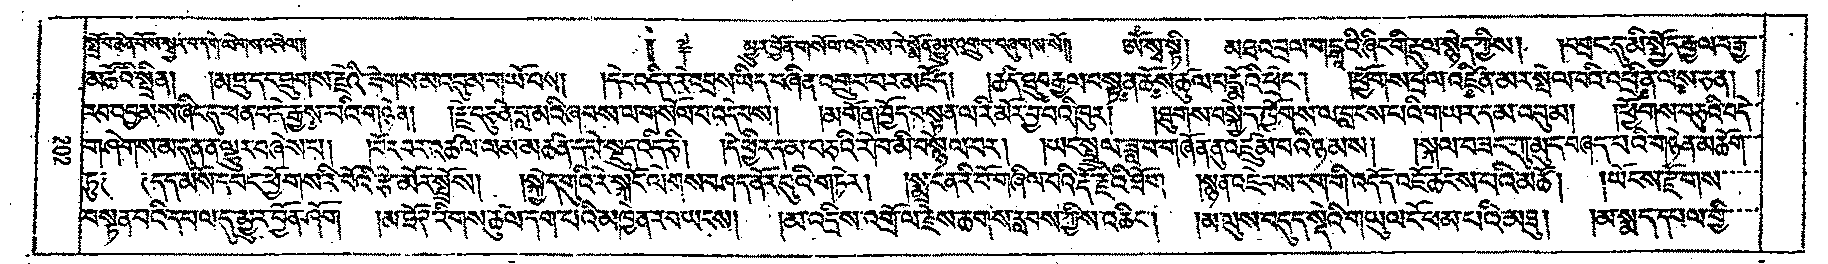སྤྲོ་བ་ཆེན་པོས་སྦྱར་བ་དགེ་ལེགས་འཕེལ།། །། ༈ མྱུར་བྱོན་གསོལ་འདེབས་རེ་སྨོན་མྱུར་འགྲུབ་བཞུགས་སོ། །ཨོཾ་སྭ་སྟི། མཐའ་བྲལ་གངྒཱའི་ཞིང་གི་རྡུལ་སྙེད་ཀྱིས། །བགྲང་དུ་མི་སྤྱོད་རྒྱལ་བ་རྒྱ་
མཚོའི་སྤྲིན། །མཐུ་དང་ཐུགས་རྗེའི་ཟེགས་མ་འབུམ་གཡོ་བས། །དེང་འདིར་རེ་འབྲས་ཡིད་བཞིན་འགྲུབ་པར་མཛོད། །ཚད་ཐུབ་རྒྱལ་བསྟན྾་ཆོས྾་ཚུལ་པདམོའི་ཕྲེང་། །ཕྱོགས་བྲལ་འཛིན྾་མར་སྤེལ་བའི་འཕྲིན྾་ལས྾་ཅན། །
རབ་འབྱམས་ཞིང་དུ་ཕན་བདེ་རྒྱས྾་པའི་གཉེན། །རྗེ་བཙུན་བླ་མའི་ཞབས་ལ་གསོལ་བ་འདེབས། །མགོན་ཁྱོད་བསྟན་ལ་རི་མོར་བྱ་བའི་ཁུར། །ཐུགས་བསྐྱེད་ཁྱོགས་ལ་བླངས་པའི་གཡར་དམ་འབུམ། །ཕྱོགས་བཅུའི་བདེ་
གཤེགས་མདུན་ན་ལྷུར་བཞེས་པ། །བོར་བར་འཚལ་ལམ་མཚན་དཔེ་སྡུད་འདི་ཅི། །དེ་ཕྱིར་དམ་བཅའི་རེ་ཁ་མི་བསྙེལ་བར། །ཡང་སྤྲུལ་ཟླ་བ་གཞོན་ནུ་འཛུམ་པའི་ཉམས། །སྐལ་བཟང་ཀུ་མུད་བཞད་པའི་གཉེན་མཆོག་
ཏུ༑ ༑དད་མོས་དབང་ཕྱོགས་རི་བོའི་རྩེ་མོར་སྤྲོས། །སྐྱེ་དགུའི་རེ་སྐོང་ལེགས་བཤད་ནོར་བུའི་གཏེར། །སྨྲ་ངན་རི་བོ་གཞིལ་བའི་རྡོ་རྗེའི་ཐོག །སྙན་འཇེབས་ངག་གི་འདོད་འཇོ་ཚངས་པའི་མཚོ། །ཡོངས་རྫོགས་
བསྟན་པའི་དཔལ་དུ་མྱུར་བྱོན་ཤོག །མ་ཐོགས་རིགས་ཚུལ་དག་པའི་མཁྱེན་རབ་ཡངས། །མ་འདྲིས་འགྲོ་ལ་རྗེས་ཆགས་རླབས་ཀྱིས་འཆིང་། །མ་ལུས་བདུད་སྡེའི་གཡུལ་ངོ་ཕམ་པའི་མཐུ། །མ་སྨད་དཔལ་གྱི་